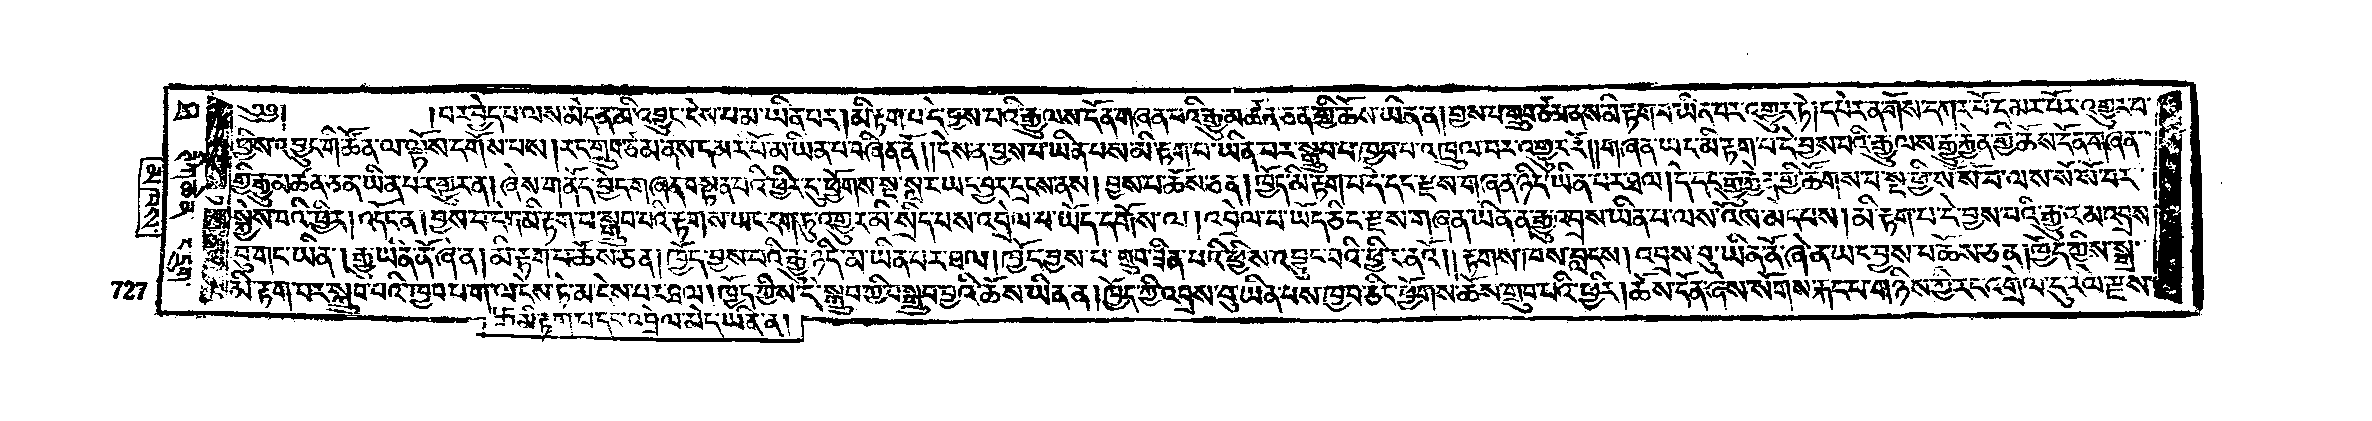༄༅། །པར་བྱེད་པ་ལས་མེད་ན་མི་འབྱུང་ངེས་པ་མ་ཡིན་པར། མི་རྟག་པ་དེ་བྱས་པའི་རྒྱུ་ལས་དོན་གཞན་པའི་རྒྱུ་མཚན་ཅན་གྱི་ཆོས་ཡིན་ན། བྱས་པ་གྲུབ་ཙམ་ནས་མི་རྟག་པ་ཡིན་པར་འགྱུར་ཏེ། དཔེར་ན་གོས་དཀར་པོ་དམར་པོར་འགྱུར་བ་
ཕྱིས་འབྱུང་གི་ཚོན་ལ་ལྟོས་དགོས་པས། རང་གྲུབ་ཙམ་ནས་དམར་པོ་མ་ཡིན་པ་བཞིན་ནོ། །དེས་ན་བྱས་པ་ཡིན་པས་མི་རྟག་པ་ཡིན་པར་སྒྲུབ་པ་ཁྱབ་པ་འཁྲུལ་བར་འགྱུར་རོ། །གཞན་ཡང་མི་རྟག་པ་དེ་བྱས་པའི་རྒྱུ་ལས་རྒྱུ་རྐྱེན་གྱི་ཆོས་དོན་གཞན་
གྱི་རྒྱུ་མཚན་ཅན་ཡིན་པར་གྱུར་ན། ཞེས་གནོད་བྱེད་གཞན་བསྟན་པའི་ཕྱིར་དུ་ཕྱོགས་སྔ་སླར་ཡང་བྱར་དྲངས་ནས། བྱས་པ་ཆོས་ཅན། ཁྱོད་མི་རྟག་པ་དེ་དང་རྫས་གཞན་ཉིད་ཡིན་པར་ཐལ། དེ་དང་རྒྱུ་རྐྱེན་གྱི་ཚོགས་པ་སྔ་ཕྱི་སོ་སོ་བ་ལས་སོ་སོ་བར་
སྐྱེས་པའི་ཕྱིར། འདོད་ན། བྱས་པ་དེ་མི་རྟག་པ་དང་འབྲེལ་མེད་ཡིན་ན། མི་རྟག་པ་སྒྲུབ་པའི་རྟགས་ཡང་དག་ཏུ་འགྱུར་མི་སྲིད་པས་འབྲེལ་བ་ཡོད་དགོས་ལ། འབྲེལ་བ་ཡོད་ཅིང་རྫས་གཞན་ཡིན་ན་རྒྱུ་འབྲས་ཡིན་པ་ལས་འོས་མེད་པས། མི་རྟག་པ་དེ་བྱས་པའི་རྒྱུ་འམ་འབྲས་
བུ་གང་ཡིན། རྒྱུ་ཡིན་ནོ་ཞེ་ན། མི་རྟག་པ་ཆོས་ཅན། ཁྱོད་བྱས་པའི་རྒྱུ་ཉིད་མ་ཡིན་པར་ཐལ། ཁྱོད་བྱས་པ་གྲུབ་ཟིན་པའི་ཕྱིས་འབྱུང་བའི་ཕྱིར་ནའོ། །རྟགས་ཁས་བླངས། འབྲས་བུ་ཡིན་ནོ་ཞེ་ན་ཡང་བྱས་པ་ཆོས་ཅན། ཁྱོད་ཀྱིས་སྒྲ་
མི་རྟག་པར་སྒྲུབ་པའི་ཁྱབ་པ་ག་ལ་ངེས་ཏེ་མ་ངེས་པར་ཐལ། ཁྱོད་ཀྱིས་དེ་སྒྲུབ་ཀྱི་བསྒྲུབ་བྱའི་ཆོས་ཡིན་ན། ཁྱོད་ཀྱི་འབྲས་བུ་ཡིན་པས་ཁྱབ་ཅིང་ཕྱོགས་ཆོས་གྲུབ་པའི་ཕྱིར། ཆོས་དོན་ཞེས་སོགས་རྐང་པ་གཉིས་ཀྱི་རང་འགྲེལ་དུ་རིལ་རྫས་